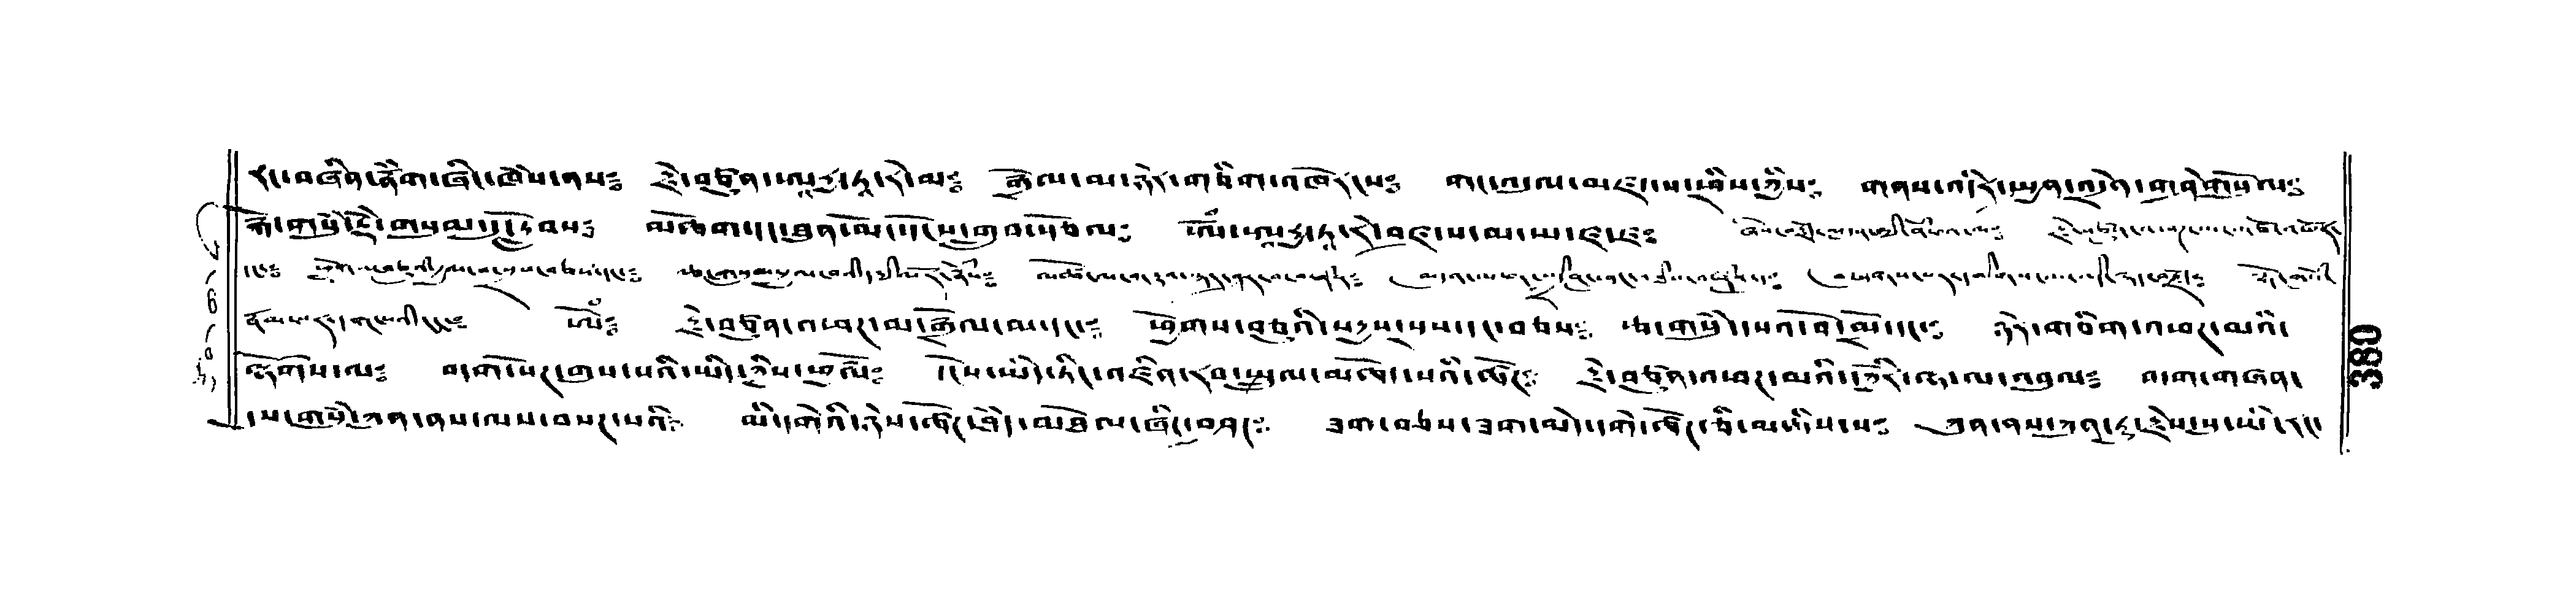རང་བཞིན་རྣམ་དག་ཞིང་ཁམས་ནས༔ རྗེ་བཙུན་ཨཱརྻ་ཏཱ་རེ་མ༔ སྒྲོལ་མ་ཉེར་གཅིག་འཁོར་དང་བཅས༔ གང་འདུལ་མཛད་པ་ཕྲིན་ལས་ཀྱིས༔ གནས་འདིར་སྤྱན་འདྲེན་གཤེགས་སུ་གསོལ༔
སྒོ་གསུམ་རྡོ་རྗེ་གསུམ་དུ་རློབས༔ མཆོག་དང་ཐུན་མོང་དངོས་གྲུབ་སྩོལ༔ ཨོཾ་ཨཱརྻ་ཏཱ་རེ་བཛྲ་ས་མ་ཡ་ཛཿཛཿ ཞེས་བརྗོད་མདུན་གྱི་ནམ་མཁའ་ལ༔ རྗེ་བཙུན་འཕགས་མ་གཙོ་འཁོར་
དང༔ ཕྱོགས་བཅུའི་རྒྱལ་བ་སྲས་བཅས་དང༔ རྩ་གསུམ་རྒྱལ་བའི་དཀྱིལ་འཁོར་རྣམས༔ མཚོ་ལ་གཟའ་སྐར་ཤར་བ་བཞིན༔ མདུན་མཁར་སྤྲིན་ཕུང་འཐིབ་བཞིན་དུ༔ བཞུགས་པར་དམིགས་ལ་འདི་སྐད་བརྗོད༔ སྒོ་གསུམ་
རྣམས་པར་དག་པའི་ངང༔ ཨོཾ༔ རྗེ་བཙུན་འཕགས་མ་སྒྲོལ་མ་དང༔ ཕྱོགསབཅུའི་སངས་རྒྱས་སྲས་དང་བཅས༔ རྩ་གསུམ་དཔའ་བོ་མཁའ་འགྲོ་དང༔ ཉེར་གཅིག་འཕགས་མའི་
ལྷ་ཚོགས་ལ༔ བདག་སོགས་གུས་པའི་ཡིད་ཀྱིས་ཕྱག་འཚལ་ལོ༔ དངོས་ཡིད་ཏིང་འཛིན་རབ་སྤྲུལ་མཆོད་པའི་ཚོགས༔ རྗེ་བཙུན་འཕགས་མའི་དཀྱིལ་འཁོར་ལྷ་ལ་འབུལ༔ བདག་གཞན་
དུས་གསུམ་ཀུན་ནས་ལས་བསགས་པའི༔ མི་དགེའི་ཉེས་ཚོགས་ཐམས་ཅད་མཐོལ་ཞིང་བཤགས༔ ཟག་བཅས་ཟག་མེད་དགེ་ཚོགས་ཅི་མཆིས་པར༔ ཀུན་ནས་ཀུན་ཏུ་རྗེས་སུ་ཡི་རང་